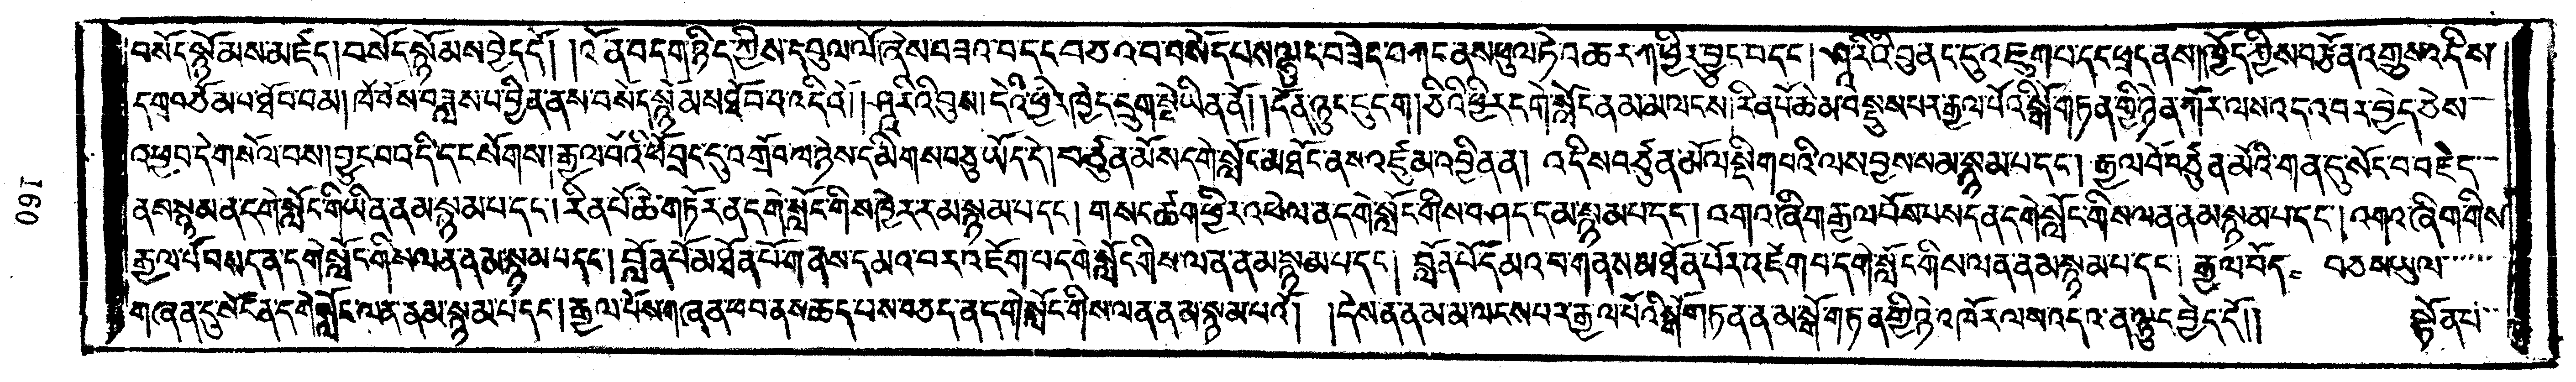བསོད་སྙོམས་མཛད། བསོད་སྙོམས་བྱེད་དོ། །འོ་ན་བདག་ཉིད་ཀྱིས་དབུལ་ལོ་ཞེས་བཟའ་བ་དང་བཅའ་བ་བསོད་པས་ལྷུང་བཟེད་བཀང་ནས་ཕུལ་ཏེ་འཆར་ཀ་ཕྱིར་བྱུང་བ་དང་། ཤཱ་རིའི་བུ་ནང་དུ་འཇུག་པ་དང་ཕྲད་ནས། ཁྱོད་ཀྱིས་བརྩོན་འགྲུས་འདིས་
དགྲ་བཅོམ་པ་ཐོབ་བམ། ཁོ་བོས་བཟླས་པ་བྱིན་ནས་བསོད་སྙོམས་ཐོབ་བ་འདིའོ། །ཤཱ་རིའི་བུས། དེའི་ཕྱིར་ཁྱེད་དྲུག་སྔེ་ཡིན་ནོ། །དོན་ཉུང་ངུ་དག །ཅིའི་ཕྱིར་དགེ་སློང་ནམ་མ་ལངས། རིན་པོ་ཆེ་མ་བསྡུས་པར་རྒྱལ་པོའི་སྒོ་གཏན་གྱི་ཉེན་ཀོར་ལས་འདའ་བར་བྱེད་ཅེས་
འཕྱབ་དེ་གསོལ་བས། བྱུང་བ་འདི་དང་སོགས། རྒྱལ་བོའི་ཕོ་བྲང་དུ་འགྲོ་བ་ལ་ཉེས་དམིགས་བཅུ་ཡོད་དེ། བཙུན་མོས་དགེ་སློང་མཐོང་ནས་འཛུམ་འབྱིན་ན། འདིས་བཙུན་མོལ་སྡིག་པའི་ལས་བྱས་སམ་སྙམ་པ་དང་། རྒྱལ་བོ་བཙུན་མོའི་གན་དུ་སོང་བ་བྗེད་
ནས་སྙམ་ན་དགེ་སློང་གི་ཡིན་ནམ་སྙམ་པ་དང་། རིན་པོ་ཆེ་གཏོར་ན་དགེ་སློང་གིས་ཁྱེར་རམ་སྙམ་པ་དང་། གསང་ཚག་ཕྱིར་འཕེལ་ན་དགེ་སློང་གིས་བཤད་དམ་སྙམ་པ་དང་། འགའ་ཞིག་རྒྱལ་བོས་པས་དན་དགེ་སློང་གིས་ལན་ནམ་སྙམ་པ་དང་། འགའ་ཞིག་གིས་
རྒྱལ་པོ་བསད་ན་དགེ་སློང་གིས་ལན་ནམ་སྙམ་པ་དང་། བློན་པོ་མཐོན་པོ་གནས་དམའ་བར་འཇོག་པ་དགེ་སློང་གིས་ལན་ནམ་སྙམ་པ་དང་། བློན་པོ་དམའ་བ་གནས་མཐོན་པོར་འཇོག་པ་དགེ་སློང་གིས་ལན་ནམ་སྙམ་པ་དང་། རྒྱལ་བོད་?་བཅས་ཡུལ་
གཞན་དུ་སོང་ན་དགེ་སློང་ལན་ནམ་སྙམ་པ་དང་། རྒྱལ་པོས་གཞན་ཕབ་ནས་ཆད་པས་བཅད་ན་དགེ་སློང་གིས་ལན་ནམ་སྙམ་པའོ། །དེས་ན་ནམ་མ་ལངས་པར་རྒྱལ་པོའི་སྒོ་གཏན་ན་མ་སྒོ་གཏན་གྱི་ཉེ་འཁོར་ལས་འདའ་ན་ལྟུང་བྱེད་དོ།། སྟོན་པ་